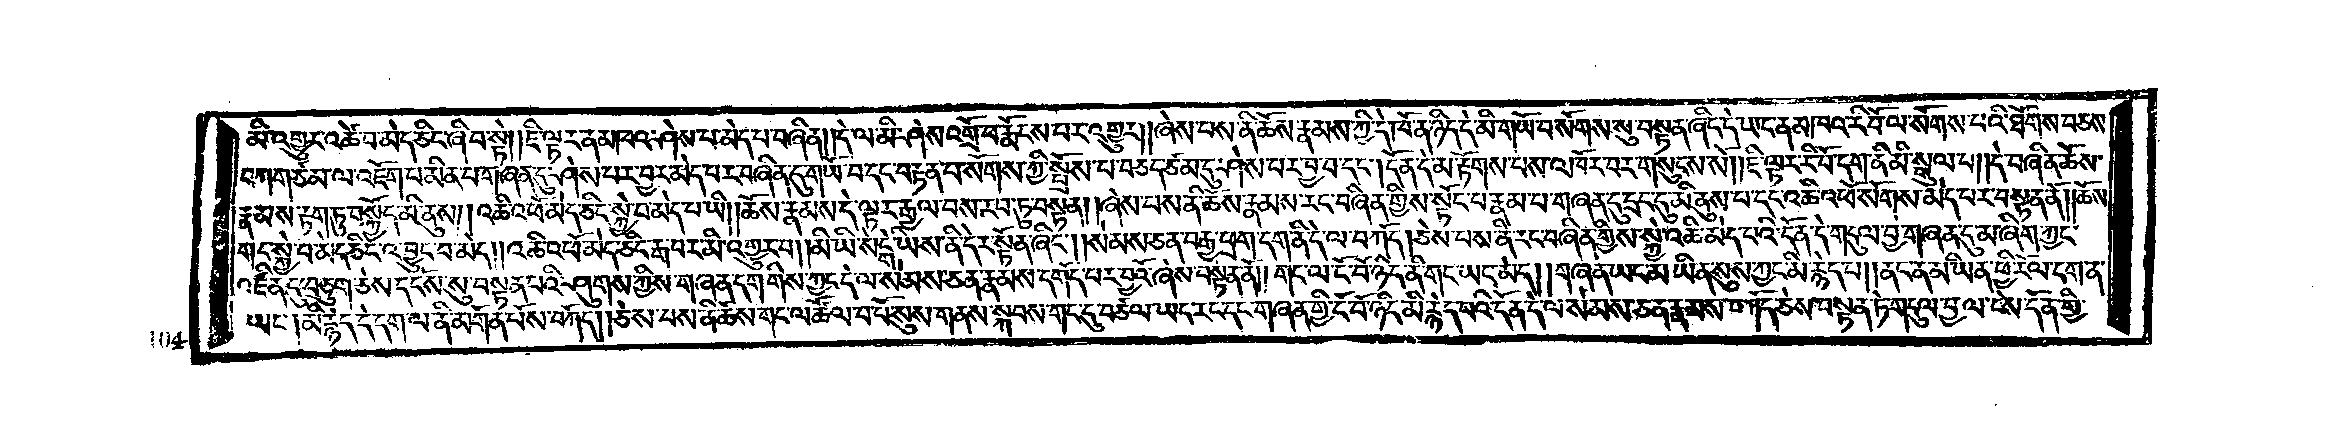མི་འགྱུར་འཚེ་བ་མེད་ཅིང་ཞི་བ་སྟེ། །ཇི་ལྟར་ནམཁའ་ཤེས་པ་མེད་པ་བཞིན། །དེ་ལ་མི་ཤེས་འགྲོ་བ་རྨོངས་པར་འགྱུར། །ཞེས་པས་ནི་ཆོས་རྣམས་ཀྱི་དེ་ཁོ་ན་ཉིད་དེ་མི་གཡོ་བ་སོགས་སུ་བསྟན་ཞིང་དེ་ཡང་ནམ་མཁའ་རི་བོ་ལ་སོགས་པའི་ཐོགས་བཅས་
བཀག་ཙམ་ལ་འཇོག་པ་མིན་པ་གཞན་དུ་ཤེས་པར་བྱར་མེད་པར་བཞིན་དུ་གཡོ་བ་དང་བརྟན་པ་སོགས་ཀྱི་སྤྲོས་པ་བཅད་ཙམ་དུ་ཤེས་པར་བྱ་བ་དང་། དོན་དེ་མ་རྟོགས་པས་འཁོར་བར་གསུངས་སོ། །ཇི་ལྟར་རི་བོ་དག་ནི་མི་སྒུལ་པ། །དེ་བཞིན་ཆོས་
རྣམས་རྟག་ཏུ་བསྐྱེད་མི་ནུས། །འཆི་འཕོ་མེད་ཅིང་སྐྱེ་བ་མེད་པ་ཡི། །ཆོས་རྣམས་དེ་ལྟར་རྒྱལ་བས་རབ་ཏུ་བསྟན། །ཞེས་པས་ནི་ཆོས་རྣམས་རང་བཞིན་གྱིས་སྟོང་པ་རྣམ་པ་གཞན་དུ་དྲང་དུ་མི་ནུས་པ་དང་འཆི་འཕོ་སོགས་མེད་པར་བསྟན་ནོ། །ཆོས་
གང་སྐྱེ་བ་མེད་ཅིང་འབྱུང་བ་མེད། །འཆི་འཕོ་མེད་ཅིང་རྒ་བར་མི་འགྱུར་བ། །མི་ཡི་སེངྒེ་ཡིས་ནི་དེར་སྟོན་ཞིང་། །སེམས་ཅན་བརྒྱ་ཕྲག་དག་ནི་དེ་ལ་བཀོད། །ཅེས་པས་ནི་རང་བཞིན་གྱིས་སྐྱེ་འཆི་མེད་པའི་དོན་དེ་གདུལ་བྱ་གཞན་དུ་མ་ཞིག་ཀྱང་
འཛིན་དུ་བཅུག་ཅེས་དངོས་སུ་བསྟན་པའི་ཤུགས་ཀྱིས་གཞན་དག་གིས་ཀྱང་དེ་ལ་སེམས་ཅན་རྣམས་དགོད་པར་བྱའོ་ཞེས་བསྟན་ནོ། །གང་ལ་ངོ་བོ་ཉིད་ནི་གང་ཡང་མེད། །གཞན་ཡང་མ་ཡིན་སུས་ཀྱང་མི་རྙེད་པ། །ནང་ན་མ་ཡིན་ཕྱི་རོལ་དག་ན་
ཡང་། །མི་རྙེད་དེ་དག་ལ་ནི་མགོན་པོས་བཀོད། །ཅེས་པས་ནི་ཆོས་གང་ལ་ཚོལ་བ་པོ་སུས་གནས་སྐབས་གང་དུ་བཙལ་ཡང་རང་དང་གཞན་གྱི་ངོ་བོ་ཉིད་མི་རྙེད་པའི་དོན་དེ་ལ་སེམས་ཅན་རྣམས་བཀོད་ཅེས་བསྟན་ཏེ་གདུལ་བྱ་ལ་ངེས་དོན་གྱི་